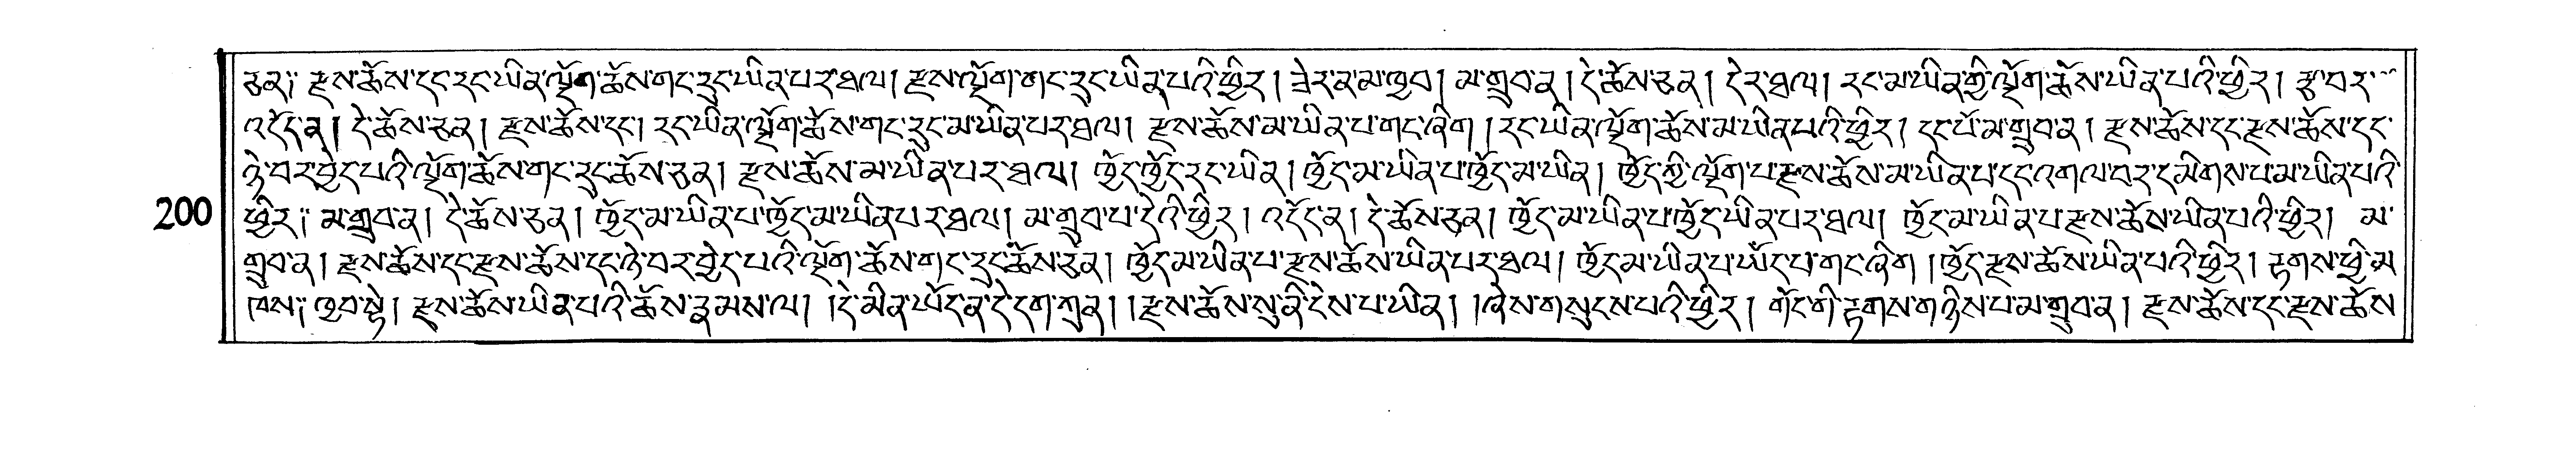ཅན༑ རྫས་ཆོས་དང་རང་ཡིན་ལྡོག་ཆོས་གང་རུང་ཡིན་པར་ཐལ། རྫས་ལྡོག་གང་རུང་ཡིན་པའི་ཕྱིར། ཟེར་ན་མ་ཁྱབ། མ་གྲུབ་ན། དེ་ཆོས་ཅན། དེར་ཐལ། རང་མ་ཡིན་གྱི་ལྡོག་ཆོས་ཡིན་པའི་ཕྱིར། རྩ་བར་
འདོད་ན། དེ་ཆོས་ཅན། རྫས་ཆོས་དང་། རང་ཡིན་ལྡོག་ཆོས་གང་རུང་མ་ཡིན་པར་ཐལ། རྫས་ཆོས་མ་ཡིན་པ་གང་ཞིག །རང་ཡིན་ལྡོག་ཆོས་མ་ཡིན་པའི་ཕྱིར། དང་པོ་མ་གྲུབ་ན། རྫས་ཆོས་དང་རྫས་ཆོས་དང་
ཉེ་བར་བྱེད་པའི་ལྡོག་ཆོས་གང་རུང་ཆོས་ཅན། རྫས་ཆོས་མ་ཡིན་པར་ཐལ། ཁྱོད་ཁྱོད་རང་ཡིན། ཁྱོད་མ་ཡིན་པ་ཁྱོད་མ་ཡིན། ཁྱོད་ཀྱི་ལྡོག་པ་རྫས་ཆོས་མ་ཡིན་པ་དང་འགལ་བར་དམིགས་པ་མ་ཡིན་པའི་
ཕྱིར༑ མ་གྲུབ་ན། དེ་ཆོས་ཅན། ཁྱོད་མ་ཡིན་པ་ཁྱོད་མ་ཡིན་པར་ཐལ། མ་གྲུབ་པ་དེའི་ཕྱིར། འདོད་ན། དེ་ཆོས་ཅན། ཁྱོད་མ་ཡིན་པ་ཁྱོད་ཡིན་པར་ཐལ། ཁྱོད་མ་ཡིན་པ་རྫས་ཆོས་ཡིན་པའི་ཕྱིར། མ་
གྲུབ་ན། རྫས་ཆོས་དང་རྫས་ཆོས་དང་ཉེ་བར་བྱེད་པའི་ལྡོག་ཆོས་གང་རུང་ཆོས་ཅན། ཁྱོད་མ་ཡིན་པ་རྫས་ཆོས་ཡིན་པར་ཐལ། ཁྱོད་མ་ཡིན་པ་ཡོད་པ་གང་ཞིག །ཁྱོད་རྫས་ཆོས་ཡིན་པའི་ཕྱིར། རྟགས་ཕྱི་མ་
ཁས༑ ཁྱབ་སྟེ། རྫས་ཆོས་ཡིན་པའི་ཆོས་རྣམས་ལ། །དེ་མིན་ཡོད་ན་དེ་དག་ཀུན། །རྫས་ཆོས་སུ་ནི་ངེས་པ་ཡིན། །ཞེས་གསུངས་པའི་ཕྱིར། གོང་གི་རྟགས་གཉིས་པ་མ་གྲུབ་ན། རྫས་ཆོས་དང་རྫས་ཆོས་